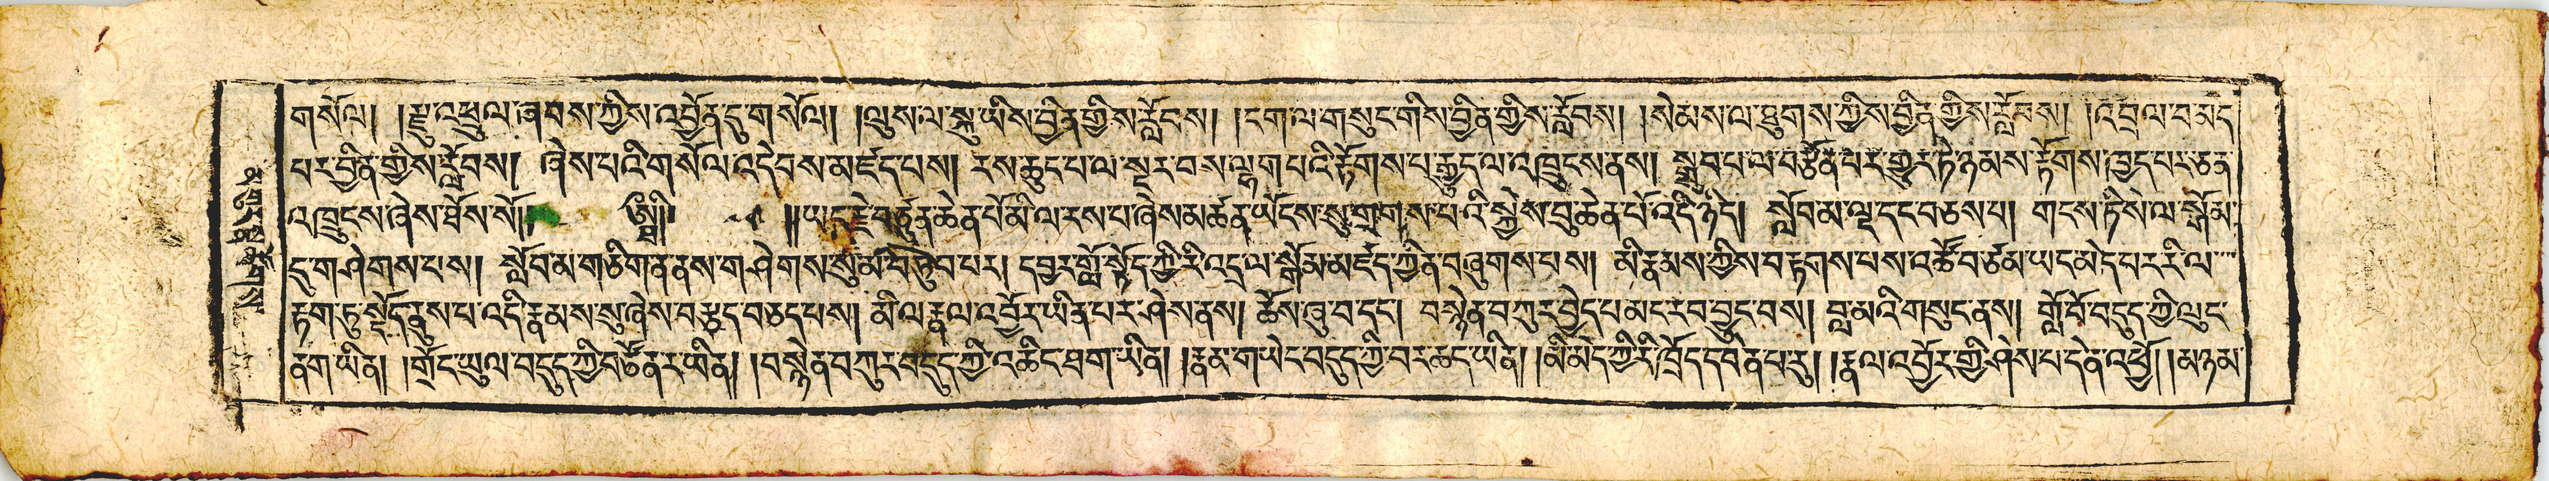གསོལ། །རྫུ་འཕྲུལ་ཞབས་ཀྱིས་འབྱོན་དུ་གསོལ། །ལུས་ལ་སྐུ་ཡིས་བྱིན་གྱིས་རློབས། །ངག་ལ་གསུང་གིས་བྱིན་གྱིས་རློབས། །སེམས་ལ་ཐུགས་ཀྱིས་བྱིན་གྱིས་རློབས། །འབྲལ་བ་མེད་
པར་བྱིན་གྱིས་རློབས། ཞེས་པའི་གསོལ་འདེབས་མཛད་པས། རས་ཆུང་པ་ལ་སྔར་བས་ལྷག་པའི་རྟོགས་པ་རྒྱུད་ལ་འཁྲུངས་ནས། སྒྲུབ་པ་ལ་བརྩོན་པར་གྱུར་ཏེ་ཉམས་རྟོགས་ཁྱད་པར་ཅན་
འཁྲུངས་ཞེས་ཐོས་སོ།།། །།ཡང་རྗེ་བཙུན་ཆེན་པོ་མི་ལ་རས་པ་ཞེས་མཚན་ཡོངས་སུ་གྲགས་པའི་སྐྱེས་བུ་ཆེན་པོ་འདི་ཉིད། སློབ་མ་ལྔ་དང་བཅས་པ། གངས་ཏི་སེ་ལ་སྒོམ་
དུ་གཤེགས་པས། སློབ་མ་གཅིག་ན་ནས་གཤེགས་སུ་མ་བཏུབ་པར། དབྱར་གློ་སྟོད་ཀྱི་རི་འདྲ་ལ་སྒོམ་མཛད་ཀྱིན་བཞུགས་པས། མི་རྣམས་ཀྱིས་བརྟགས་པས་འཚོ་བ་ཙམ་ཡང་མེད་པར་རི་ལ་
རྟག་ཏུ་སྡོད་ནུས་པ་འདི་རྣམས་སུ་ཞེས་བརྩད་བཅད་པས། མི་ལ་རྣལ་འབྱོར་ཡིན་པར་ཤེས་ནས། ཆོས་ཞུ་བ་དང་། བསྙེན་བཀུར་བྱེད་པ་མང་རབ་བྱུང་བས། བླ་མའི་གསུང་ནས། གློ་བོ་བདུད་ཀྱི་ལུང་
ནག་ཡིན། །གྲོང་ཡུལ་བདུད་ཀྱི་བཙོན་རྭ་ཡིན། །བསྙེན་བཀུར་བདུད་ཀྱི་འཆིང་ཐག་ཡིན། །རྣམ་གཡེང་བདུད་ཀྱི་བར་ཆད་ཡིན། །མི་མེད་ཀྱི་རི་ཁྲོད་དབེན་པ་རུ། །རྣལ་འབྱོར་གྱི་ཤེས་པ་དེ་ན་འཕྱོ། །མཉམ་